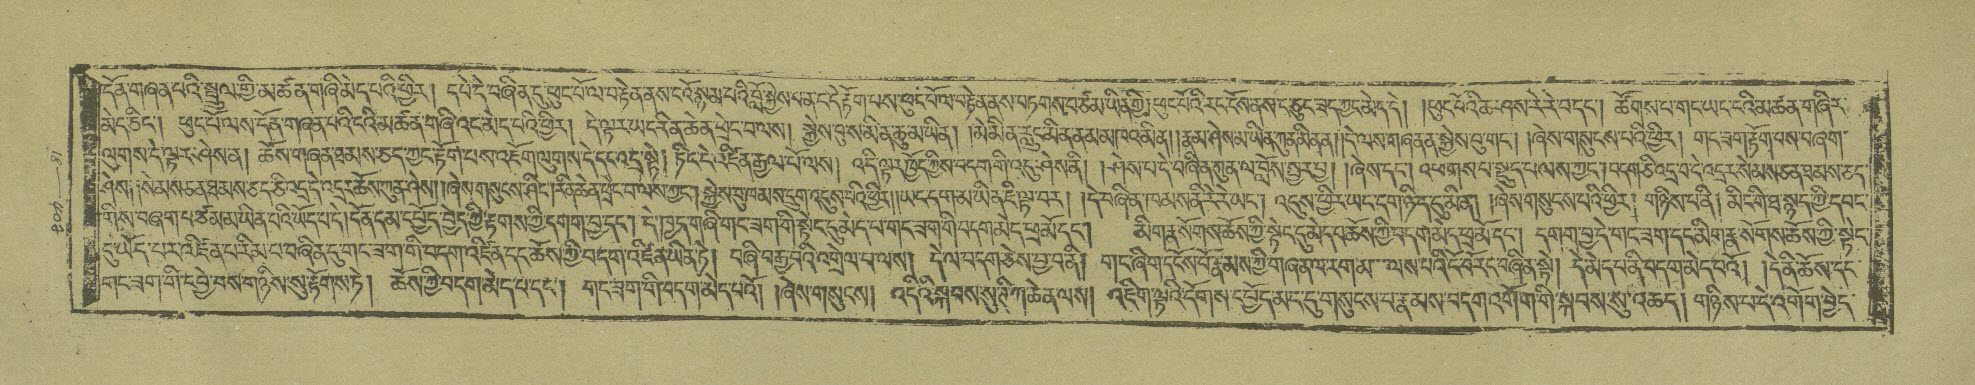དོན་གཞན་པའི་སྦྲུལ་གྱི་མཚན་གཞི་མེད་པའི་ཕྱིར། དཔེ་དེ་བཞིན་དུ་ཕུང་པོ་ལ་བརྟེན་ནས་ངའོ་སྙམ་པའི་བློ་སྐྱེས་བ་ནང་དེ་རྟོག་པས་ཕུང་པོ་ལ་བརྟེན་ནས་བཏགས་པ་ཙམ་ཡིན་གྱི། ཕུང་པོའི་རང་ངོས་ནས་བཅུང་ཟད་ཀྱང་མེད་དེ། །ཕུང་པོའི་ཆ་ཤས་རེ་རེ་བ་དང་། ཚོགས་པ་གང་ཡང་ངའི་མཚན་གཞིར་
མེད་ཅིང་། ཕུང་པོ་ལས་དོན་གཞན་པའི་ངའི་མཚན་གཞི་འང་མེད་པའི་ཕྱིར། དེ་ལྟར་ཡང་རིན་ཆེན་ཕྲེང་བ་ལས། སྐྱེས་བུ་མིན་ཆུ་མ་ཡིན། །མེ་མིན་རླུང་མིན་ནམ་མཁའ་མིན། །རྣམ་ཤེས་མ་ཡིན་ཀུན་མིན་ན། །དེ་ལས་གཞན་ན་སྐྱེས་བུ་གང་། །ཞེས་གསུངས་པའི་ཕྱིར། གང་ཟག་རྟོག་པས་བཞག་
ལུགས་དེ་ལྟར་ཤེས་ན། ཆོས་གཞན་ཐམས་ཅད་ཀྱང་རྟོག་པས་འཇོག་ཨུ། བཞི་པ་ནི། གཟུགས་ཕུང་རང་བཞིན་གྱིས་གྲུབ་པར་དི་ལྟ་ཁྱོད་ཀྱིས་བདག་གི་འདུ་ཤེས་ནི། །ཤེས་པ་དེ་བཞིན་ཀུན་ལ་བློས་སྦྱར་བྱ། །ཞེས་དང་། འཕགས་པ་སྡུད་པ་ལས་ཀྱང་། བདག་ཅི་འདྲ་བ་དེ་འདྲར་སེམས་ཅན་ཐམས་ཅད་
ཤེས། །སེམས་ཅན་ཐམས་ཅད་ཅི་འདྲ་དེ་འདྲར་ཆོས་ཀུན་ཤེས། །ཞེས་གསུངས་ཤིང་། རིན་ཆེན་ཕྲེང་བ་ལས་ཀྱང་། སྐྱེས་བུ་ཁམས་དྲུག་འདུས་པའི་ཕྱིར། །ཡང་དག་མ་ཡིན་ཇི་ལྟ་བར། །དེ་བཞིན་ཁམས་ནི་རེ་རེ་ཡང་། འདུས་ཕྱིར་ཡང་དག་ཉིད་དུ་མིན། །ཞེས་གསུངས་པའི་ཕྱིར། གཉིས་པ་ནི། མིང་གི་ཐ་སྙད་ཀྱི་དབང་
གིས་བཞག་པ་ཙམ་མ་ཡིན་པའི་ཡོད་པ་དེ། དོན་དམ་དཔྱོད་བྱེད་ཀྱི་རྟགས་ཀྱི་རྟགས་ཀྱི་དགག་བྱ་དང་། དེ་ཁྱད་གཞི་གང་ཟག་གི་སྟེང་དུ་མེད་པ་གང་ཟག་གི་བདག་མེད་ཕྲ་མོ་དང་། མིག་རྣ་སོགས་ཆོས་ཀྱི་སྟེང་དུ་མེད་པ་ཆོས་ཀྱི་བདག་མེད་ཕྲ་མོ་དང་། དགག་བྱ་དེ་གང་ཟག་དང་མིག་རྣ་སོགས་ཆོས་ཀྱི་སྟེང་
དུ་ཡོད་པར་འཛིན་པ་རིམ་པ་བཞིན་དུ་གང་ཟག་གི་བདག་འཛིན་དང་ཆོས་ཀྱི་བདག་འཛིན་ཡིན་ཏེ། བཞི་བརྒྱ་བའི་འགྲེལ་བ་ལས། དེ་ལ་བདག་ཅེས་བྱ་བ་ནི། གང་ཞིག་དངོས་པོ་རྣམས་ཀྱི་གཞན་ལ་རག་མ་ལས་པའི་ངོ་བོ་རང་བཞིན་སྟེ། དེ་མེད་པ་ནི་བདག་མེད་པའོ། །དེ་ནི་ཆོས་དང་
གང་ཟག་གི་དབྱེ་བས་གཉིས་སུ་རྟོགས་ཏེ། ཆོས་ཀྱི་བདག་མེད་པ་དང་། གང་ཟག་གི་བདག་མེད་པའོ། །ཞེས་གསུངས། འདིའི་སྐབས་སུ་ཊིཀ་ཆེན་ལས། འཇིག་ལྟའི་དོགས་དཔྱོད་མང་དུ་གསུངས་པ་རྣམས་བདག་འགོག་གི་སྐབས་སུ་འཆད། གཉིས་པ་དེ་འགོག་བྱེད་